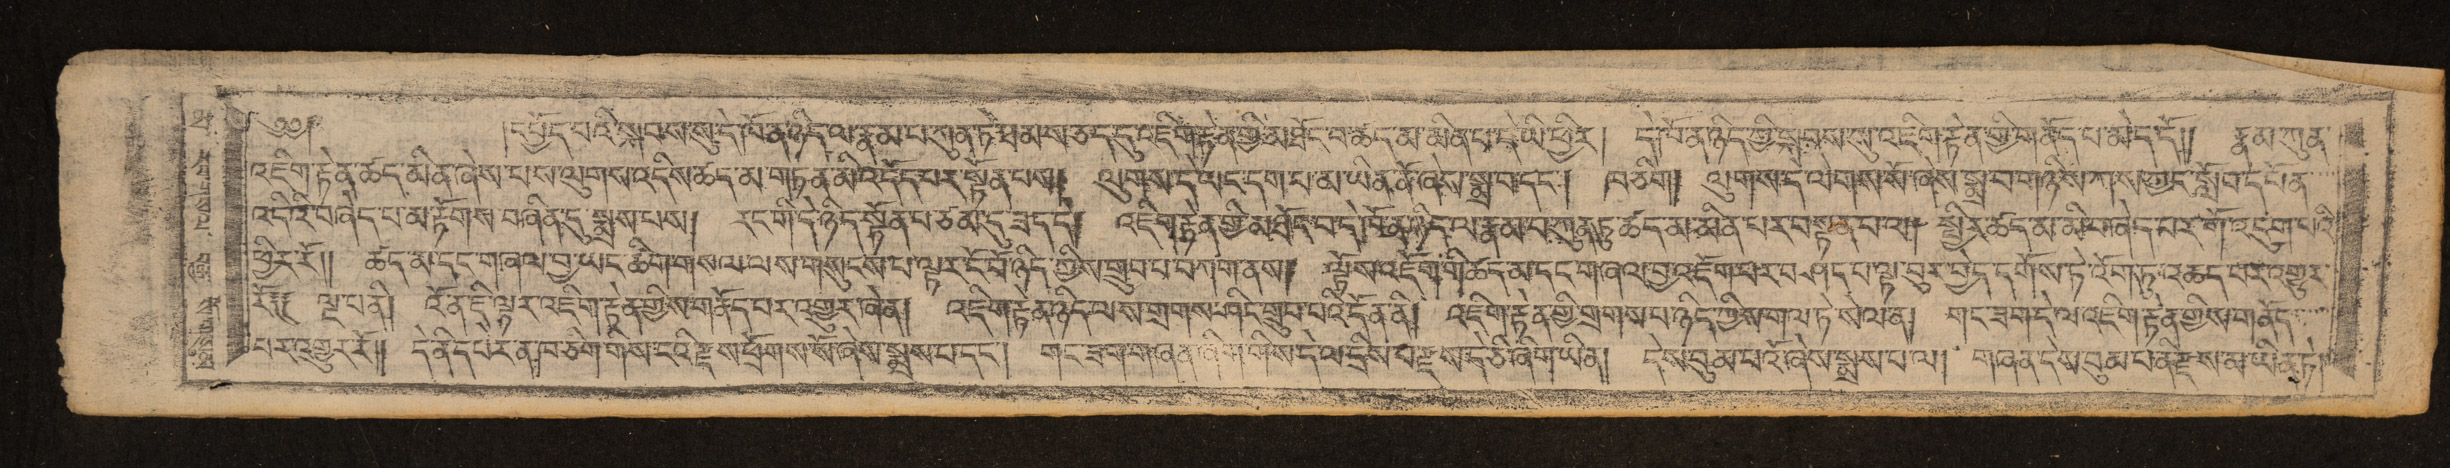༄༅། །དཔྱོད་པའི་སྐབས་སུ་དེ་ཁོ་ན་ཉིད་ལ་རྣམ་པ་ཀུན་ཏེ་ཐམས་ཅད་དུ་འཇིག་རྟེན་གྱི་མཐོང་བ་ཚད་མ་མིན་པ་དེ་ཡི་ཕྱིར། དེ་ཁོ་ན་ཉིད་ཀྱི་སྐབས་སུ་འཇིག་རྟེན་གྱི་གནོད་པ་མེད་དོ།། རྣམ་ཀུན་
འཇིག་རྟེན་ཚད་མིན་ཞེས་པས་ལུགས་འདིས་ཚད་མ་གཏན་མི་འདོད་པར་སྟོན་པས། ལུགས་དེ་ཡང་དག་པ་མ་ཡིན་ནོ་ཞེས་སྨྲ་བ་དང་། ཁ་ཅིག། ལུགས་དེ་ལེགས་སོ་ཞེས་སྨྲ་བ་གཉིས་ཀས་ཀྱང་སློབ་དཔོན་
འདིའི་བཞེད་པ་མ་རྟོགས་བཞིན་དུ་སྨྲས་པས། རང་གི་དེ་ཉིད་སྟོན་པ་ཙམ་དུ་ཟད་དེ། འཇིག་རྟེན་གྱི་མཐོང་བ་དེ་ཁོ་ན་ཉིད་ལ་རྣམ་པ་ཀུན་ཏུ་ཚད་མ་མིན་པར་བསྟན་པ་ལ། སྤྱིར་ཚད་མ་མི་བཞེད་པར་གོ་འདུག་པའི་
ཕྱིར་རོ།། ཚད་མ་དང་གཞལ་བྱ་ཡང་ཚིག་གསལ་ལས་གསུངས་པ་ལྟར་ངོ་བོ་ཉིད་ཀྱིས་གྲུབ་པ་བཀག་ནས། ལྟོས་འཇོག་གི་ཚད་མ་དང་གཞལ་བྱ་འཇོག་པར་བཤད་པ་ལྟ་བུར་བྱེད་དགོས་ཏེ་འོག་ཏུ་འཆད་པར་འགྱུར་
རོ༑༑ ལྔ་པ་ནི། འོ་ན་ཇི་ལྟར་འཇིག་རྟེན་གྱིས་གནོད་པར་འགྱུར་ཞེ་ན། འཇིག་རྟེན་ཉིད་ལས་གྲགས་ཤིང་གྲུབ་པའི་དོན་ནི། འཇིག་རྟེན་གྱི་གྲགས་པ་ཉིད་ཀྱིས་གལ་ཏེ་སེལ་ན། གང་ཟག་དེ་ལ་འཇིག་རྟེན་གྱིས་གནོད་
པར་འགྱུར་རོ།། དེ་ནི་དཔེར་ན་ཁ་ཅིག་གིས་ངའི་རྫས་ཕྲོགས་སོ་ཞེས་སྨྲས་པ་དང་། གང་ཟག་གཞན་ཞིག་གིས་དེ་ལ་དྲིས་པ་རྫས་དེ་ཅི་ཞིག་ཡིན། དེས་བུམ་པའོ་ཞེས་སྨྲས་པ་ལ། གཞན་དེས་བུམ་པ་ནི་རྫས་མ་ཡིན་ཏེ།